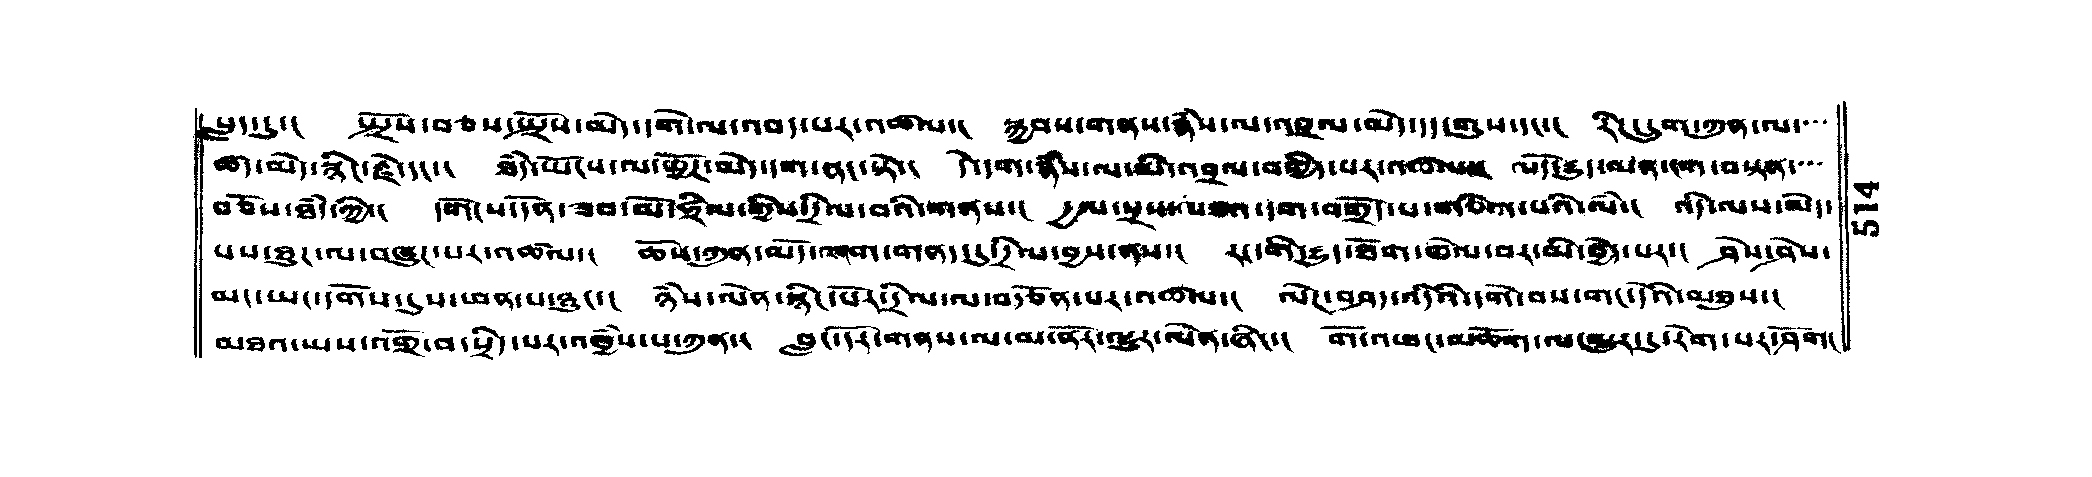སླད་དུ། །སྤྲོས་བཅས་སྤྲོས་མེད་དགེ་ལ་འབད་པར་འཚལ། །སྐྱབས་གནས་རྣམས་ལ་འབྲལ་མེད་དད་གུས་དང་། །རིགས་དྲུག་ཀུན་ལ་
ཚད་མེད་སྙིང་རྗེ་དང་། །ཐམས་ཅད་ཡོངས་ལ་ཕྱོགས་མེད་དག་སྣང་སྟེ། །དེ་དག་རྣམས་ལ་མི་འབྲལ་བགྱིད་པར་འཚལ། །མདོ་རྒྱུད་མན་ངག་བསྟན་
བཅོས་ཐམས་ཅད་ཀྱི། དགོངས་དོན་ཟབ་མོ་ཧྲིལ་གྱིས་དྲིལ་བའི་གནད། །རྒྱལ་སྲས་མཐའ་དག་བགྲོད་པ་གཅིག་པའི་ལམ། །འདི་ལས་མེད་
པས་ཐུགས་ལ་གཞུག་པར་འཚལ། །ཆོས་ཀུན་མདོ་འགག་གནད་དུ་དྲིལ་བྱས་ནས། །རང་གི་རྒྱུད་ཐོག་ཁེལ་བར་མི་བྱེད་པར། །ཤེས་ཤེས་
མང་ཡང་དགོས་དུས་ཕན་པ་ཉུང་། །ཉམས་ལེན་སྙིང་པོར་དྲིལ་ལ་བརྩོན་པར་འཚལ། །ལེགས་བཤད་འདི་ཡའི་དགེ་བ་གང་དེའི་མཐུས། །
མཐའ་ཡས་འགྲོ་བ་སྲིད་པར་འཁྱམས་པ་ཀུན། །བླང་དོར་གནས་ལ་མ་ནོར་ལྷུར་ལེན་ཞིང་། །གོ་འཕང་མཆོག་ལ་མྱུར་དུ་རེག་པར་ཤོག